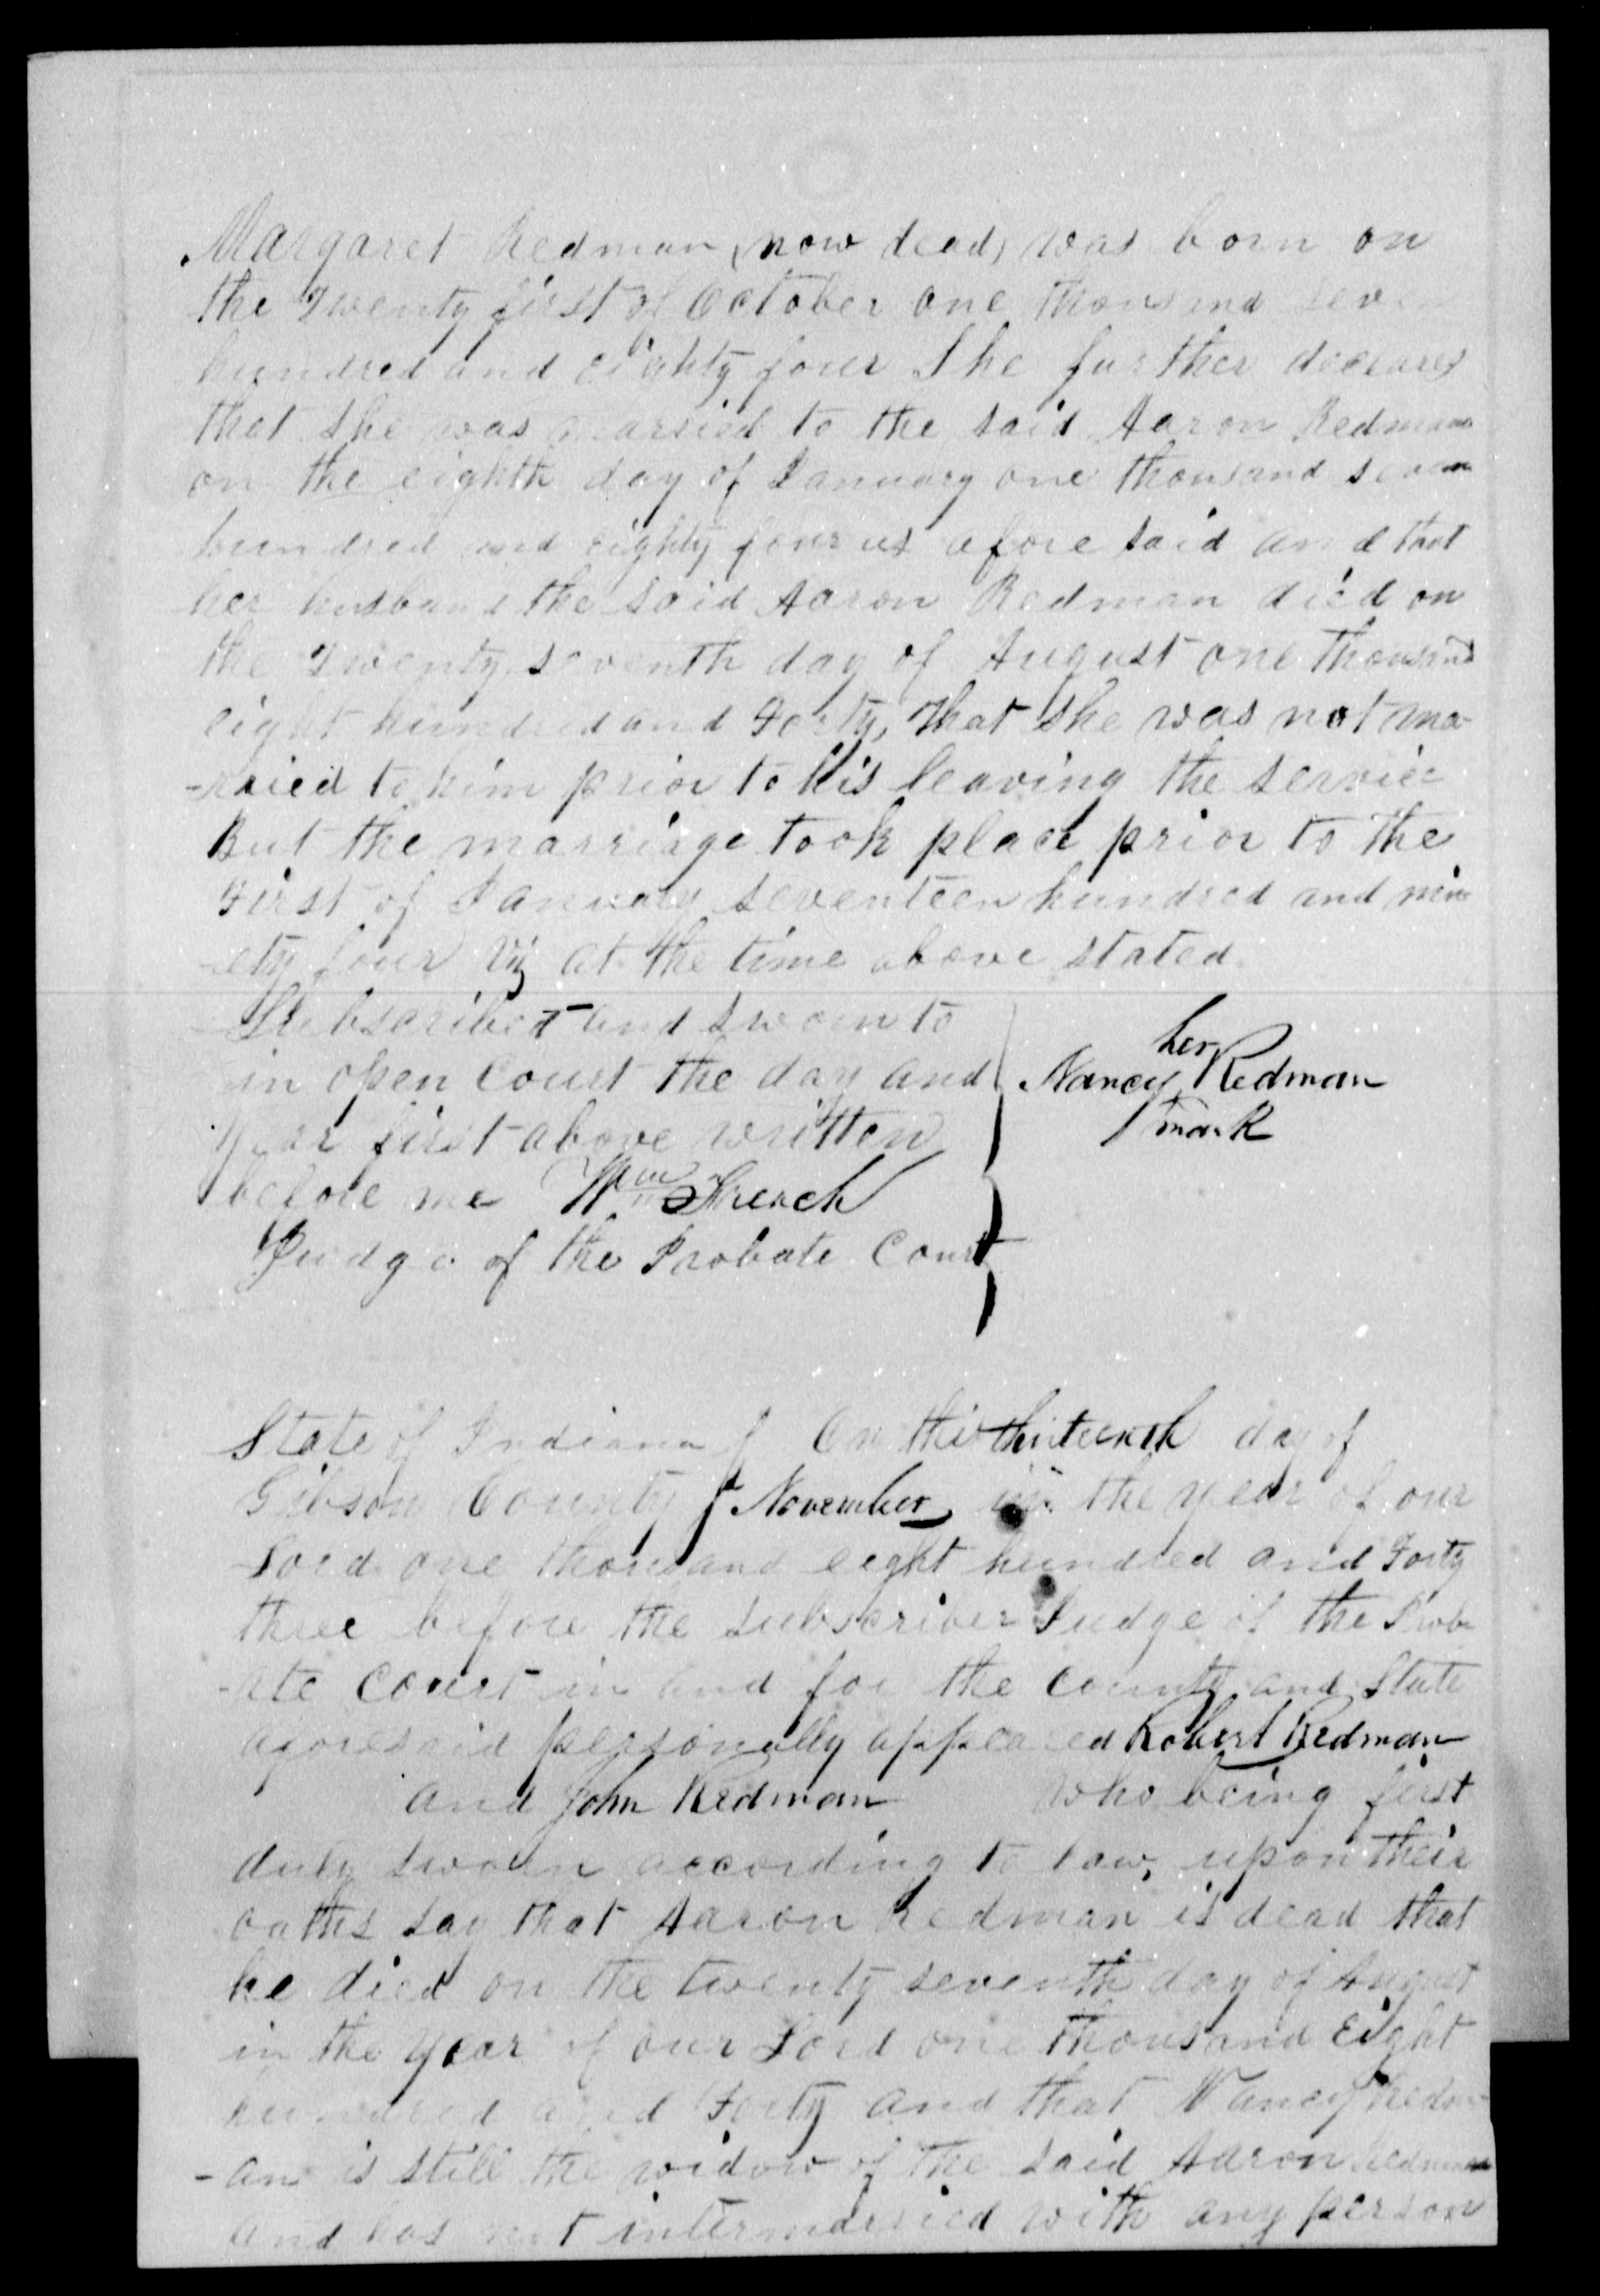Margaret Redman (now dead) was born on the Twenty first of October one thousand seven hundred and eighty four She further declares that she was married to the said Aaron Redman on the eighth day of January one thousand seven hundred and eighty five as aforesaid and that her husband the said Aaron Redman died on the Twenty seventh day of August one thousand eight hundred and Forty, That she was not married to him prior to his leaving the service But the marriage took place prior to the First of January Seventeen hundred and ninety four, Viz at the time above stated.
Subscribed and sworn to
in Open Court the day and Nancy Redman 
year first above written x her mark
before me Wm French
Judge of the Probate Court 

State of Indiana On this thirteenth day of
Gibson County November, in the year of our Lord one thousand eight hundred and Forty three before the subscriber Judge of the Probate Court in and for the County and State aforesaid personally appeared Robert Redman and John Redman who being first duly sworn according to law, upon their oaths say that Aaron Redman is dead that he died on the twenty seventh day of August in the year of our Lord one thousand Eight hundred and Forty and that Nancy Redman is still the widow of the said Aaron Redman and has not intermarried with any person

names: Nancy Redman; Margaret Redman; Aaron Redman; Nancy Redman; John Redman; Aaron Redman; Aaron Redman; Wm French; Robert Redman; Aaron Redman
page: 14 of 57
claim: widow's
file: W. 9,622, for Aaron Redman, Virginia